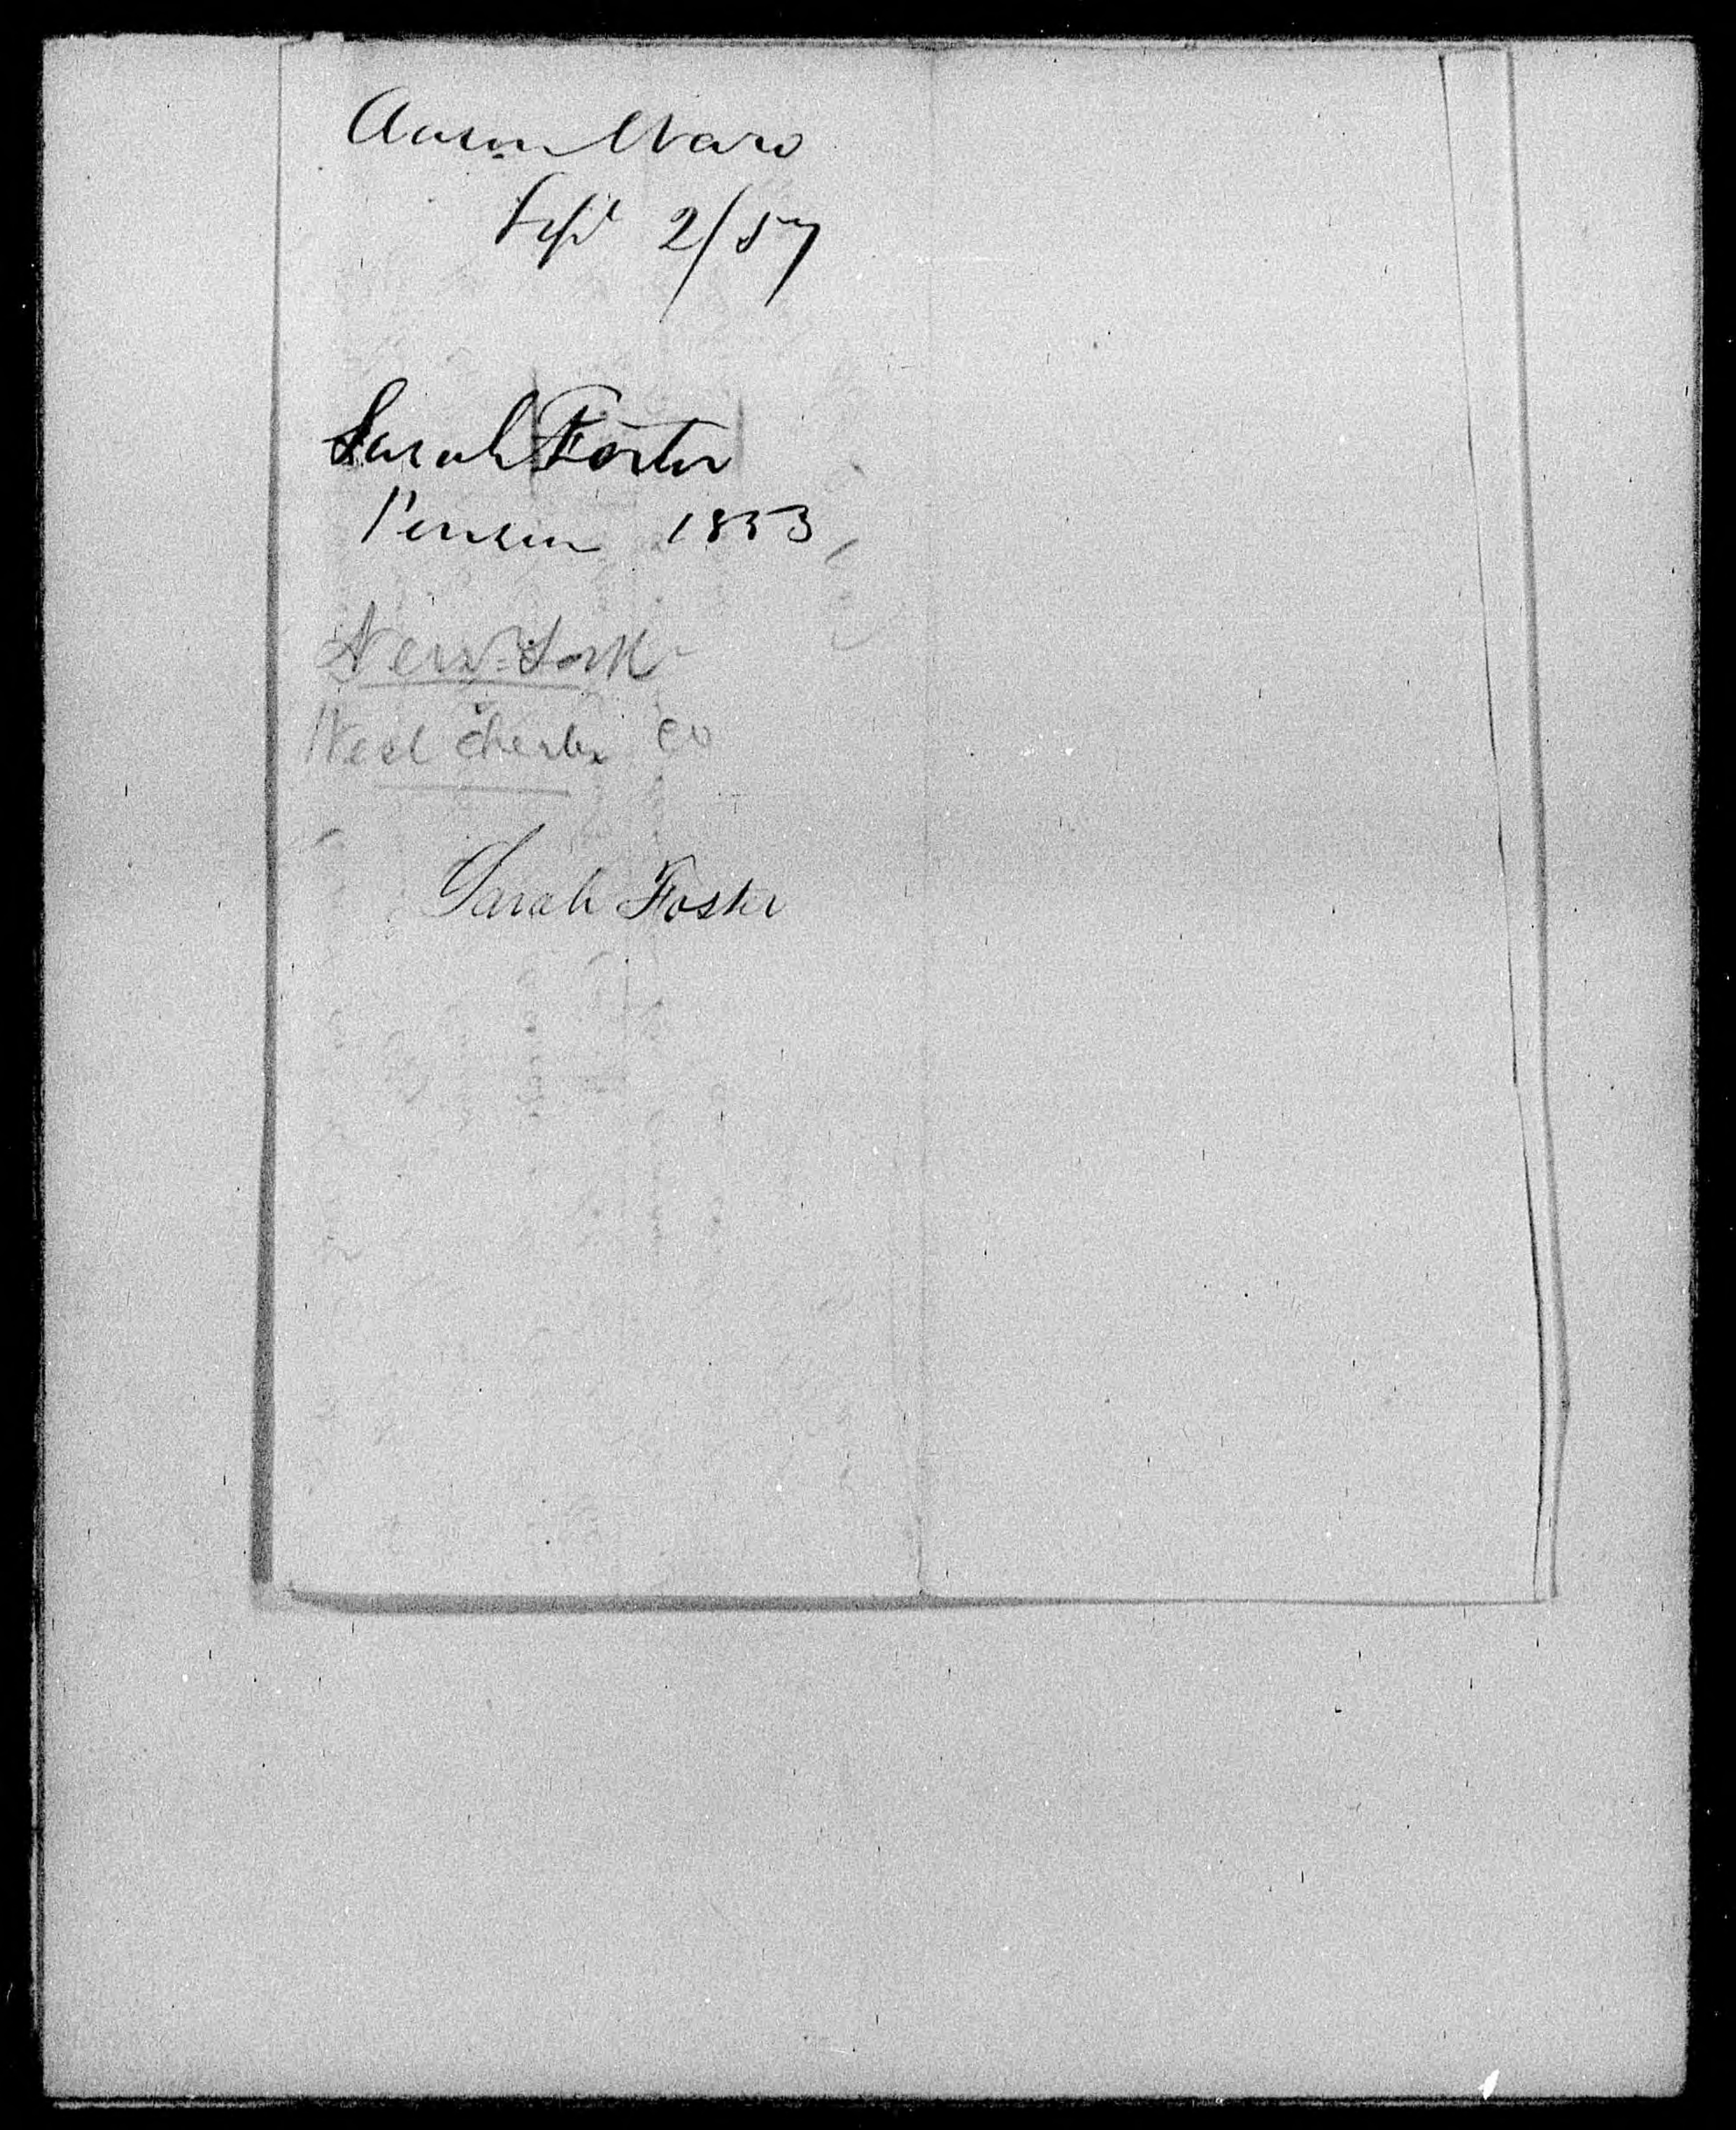Aaron Ward
Sept 2/57

Sarah Foster

Pension 1853


New York
Westchester Co.

Sarah Foster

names: Sarah Foster, Aaron Ward, Sarah Foster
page: 33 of 57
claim: widow's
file: W. 5275 1/2, Michael Foster, Penn.